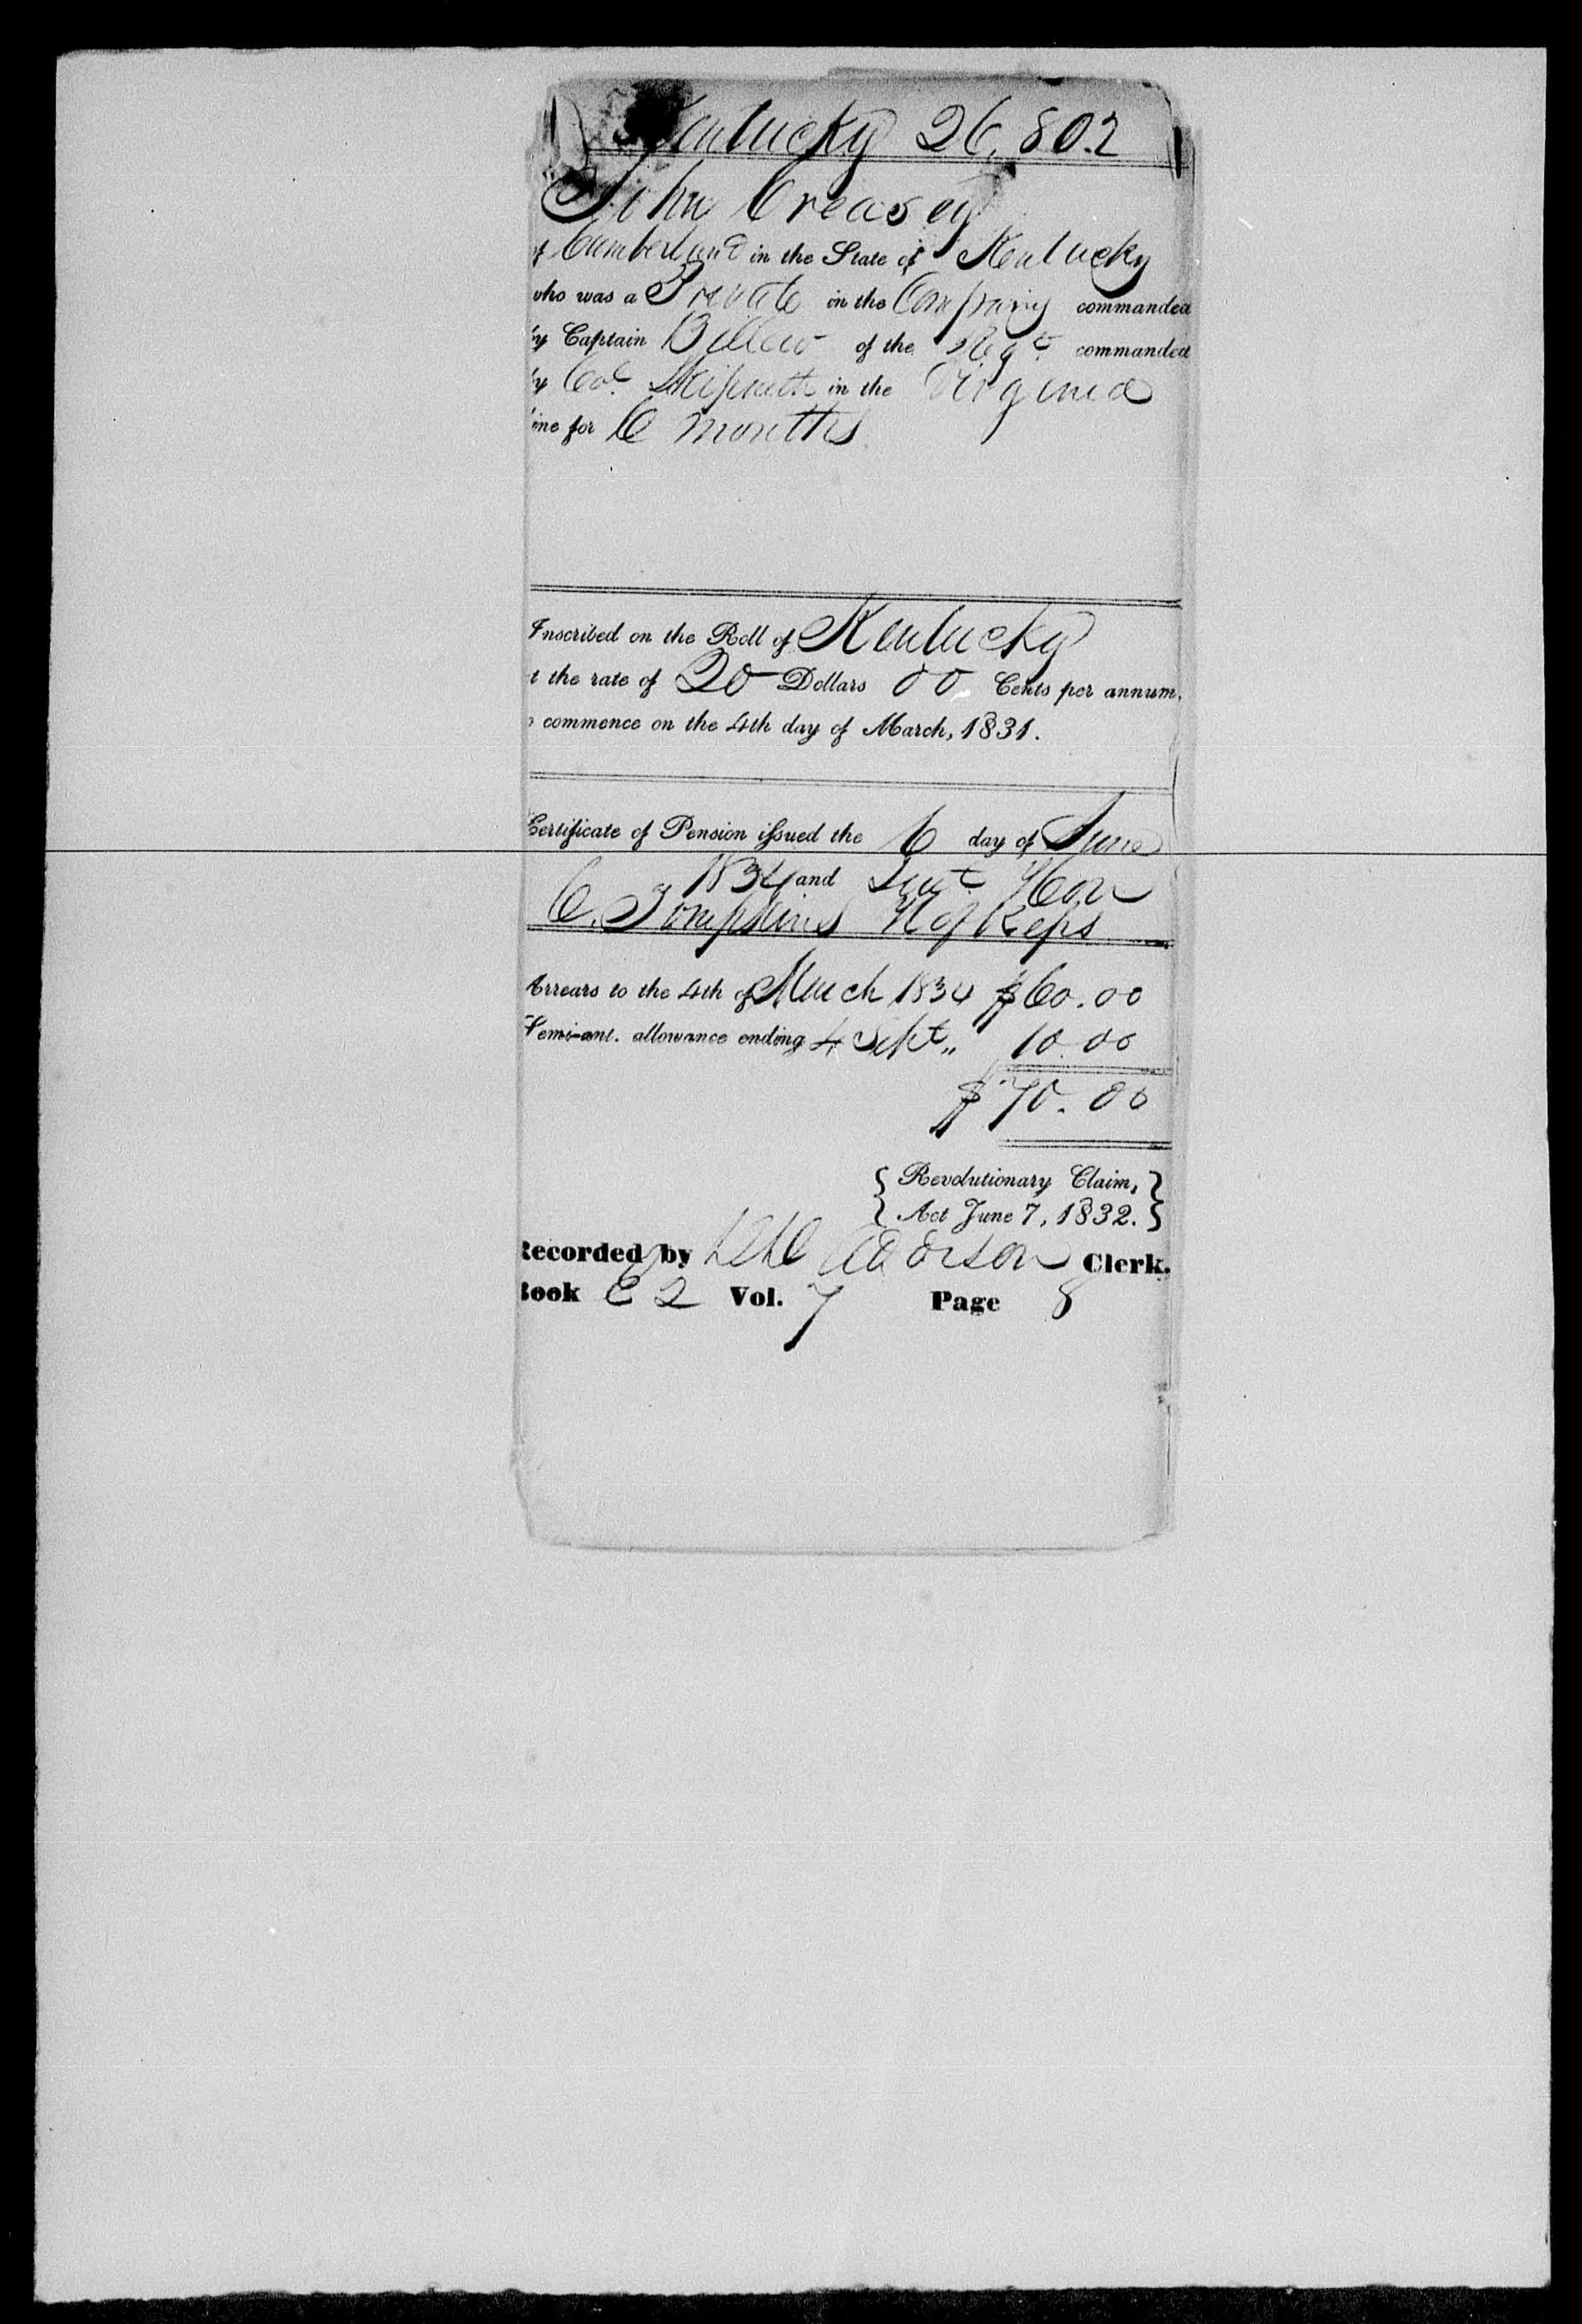[printed form, handwritten responses]
Kentucky 26.802
John Creasey 
of Cumberland in the State of Kentucky 
who was a Private in the Company  commanded 
by Captain Billow of the Regt. commanded 
by Col. Skipwith in the Virginia 
line for 6 months. 

Inscribed on the Roll of Kentucky 
at the rate of 20 Dollars 00 Cents per annum to commence on the 4th day of March, 1831. 

Certificate of Pension issued the 6 day of June 
1834 and sent Hon.
C. Tompkins H of Reps

Arrears to the 4th of March 1834 $60.00
Semi-anl. allowance ending 4 Sept"  10.00
[total] $70.00

{Revolutionary Claim, }
{Act June 7, 1832.       }
Recorded by D D Addison Clerk. 
Book E 2 Vol. 7 Page 8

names: C Tompkins, Billow, Skipwith, D D Addison, John Creasey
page: 3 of 16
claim: survivor's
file: S. 37,877, John Creasey, Va.